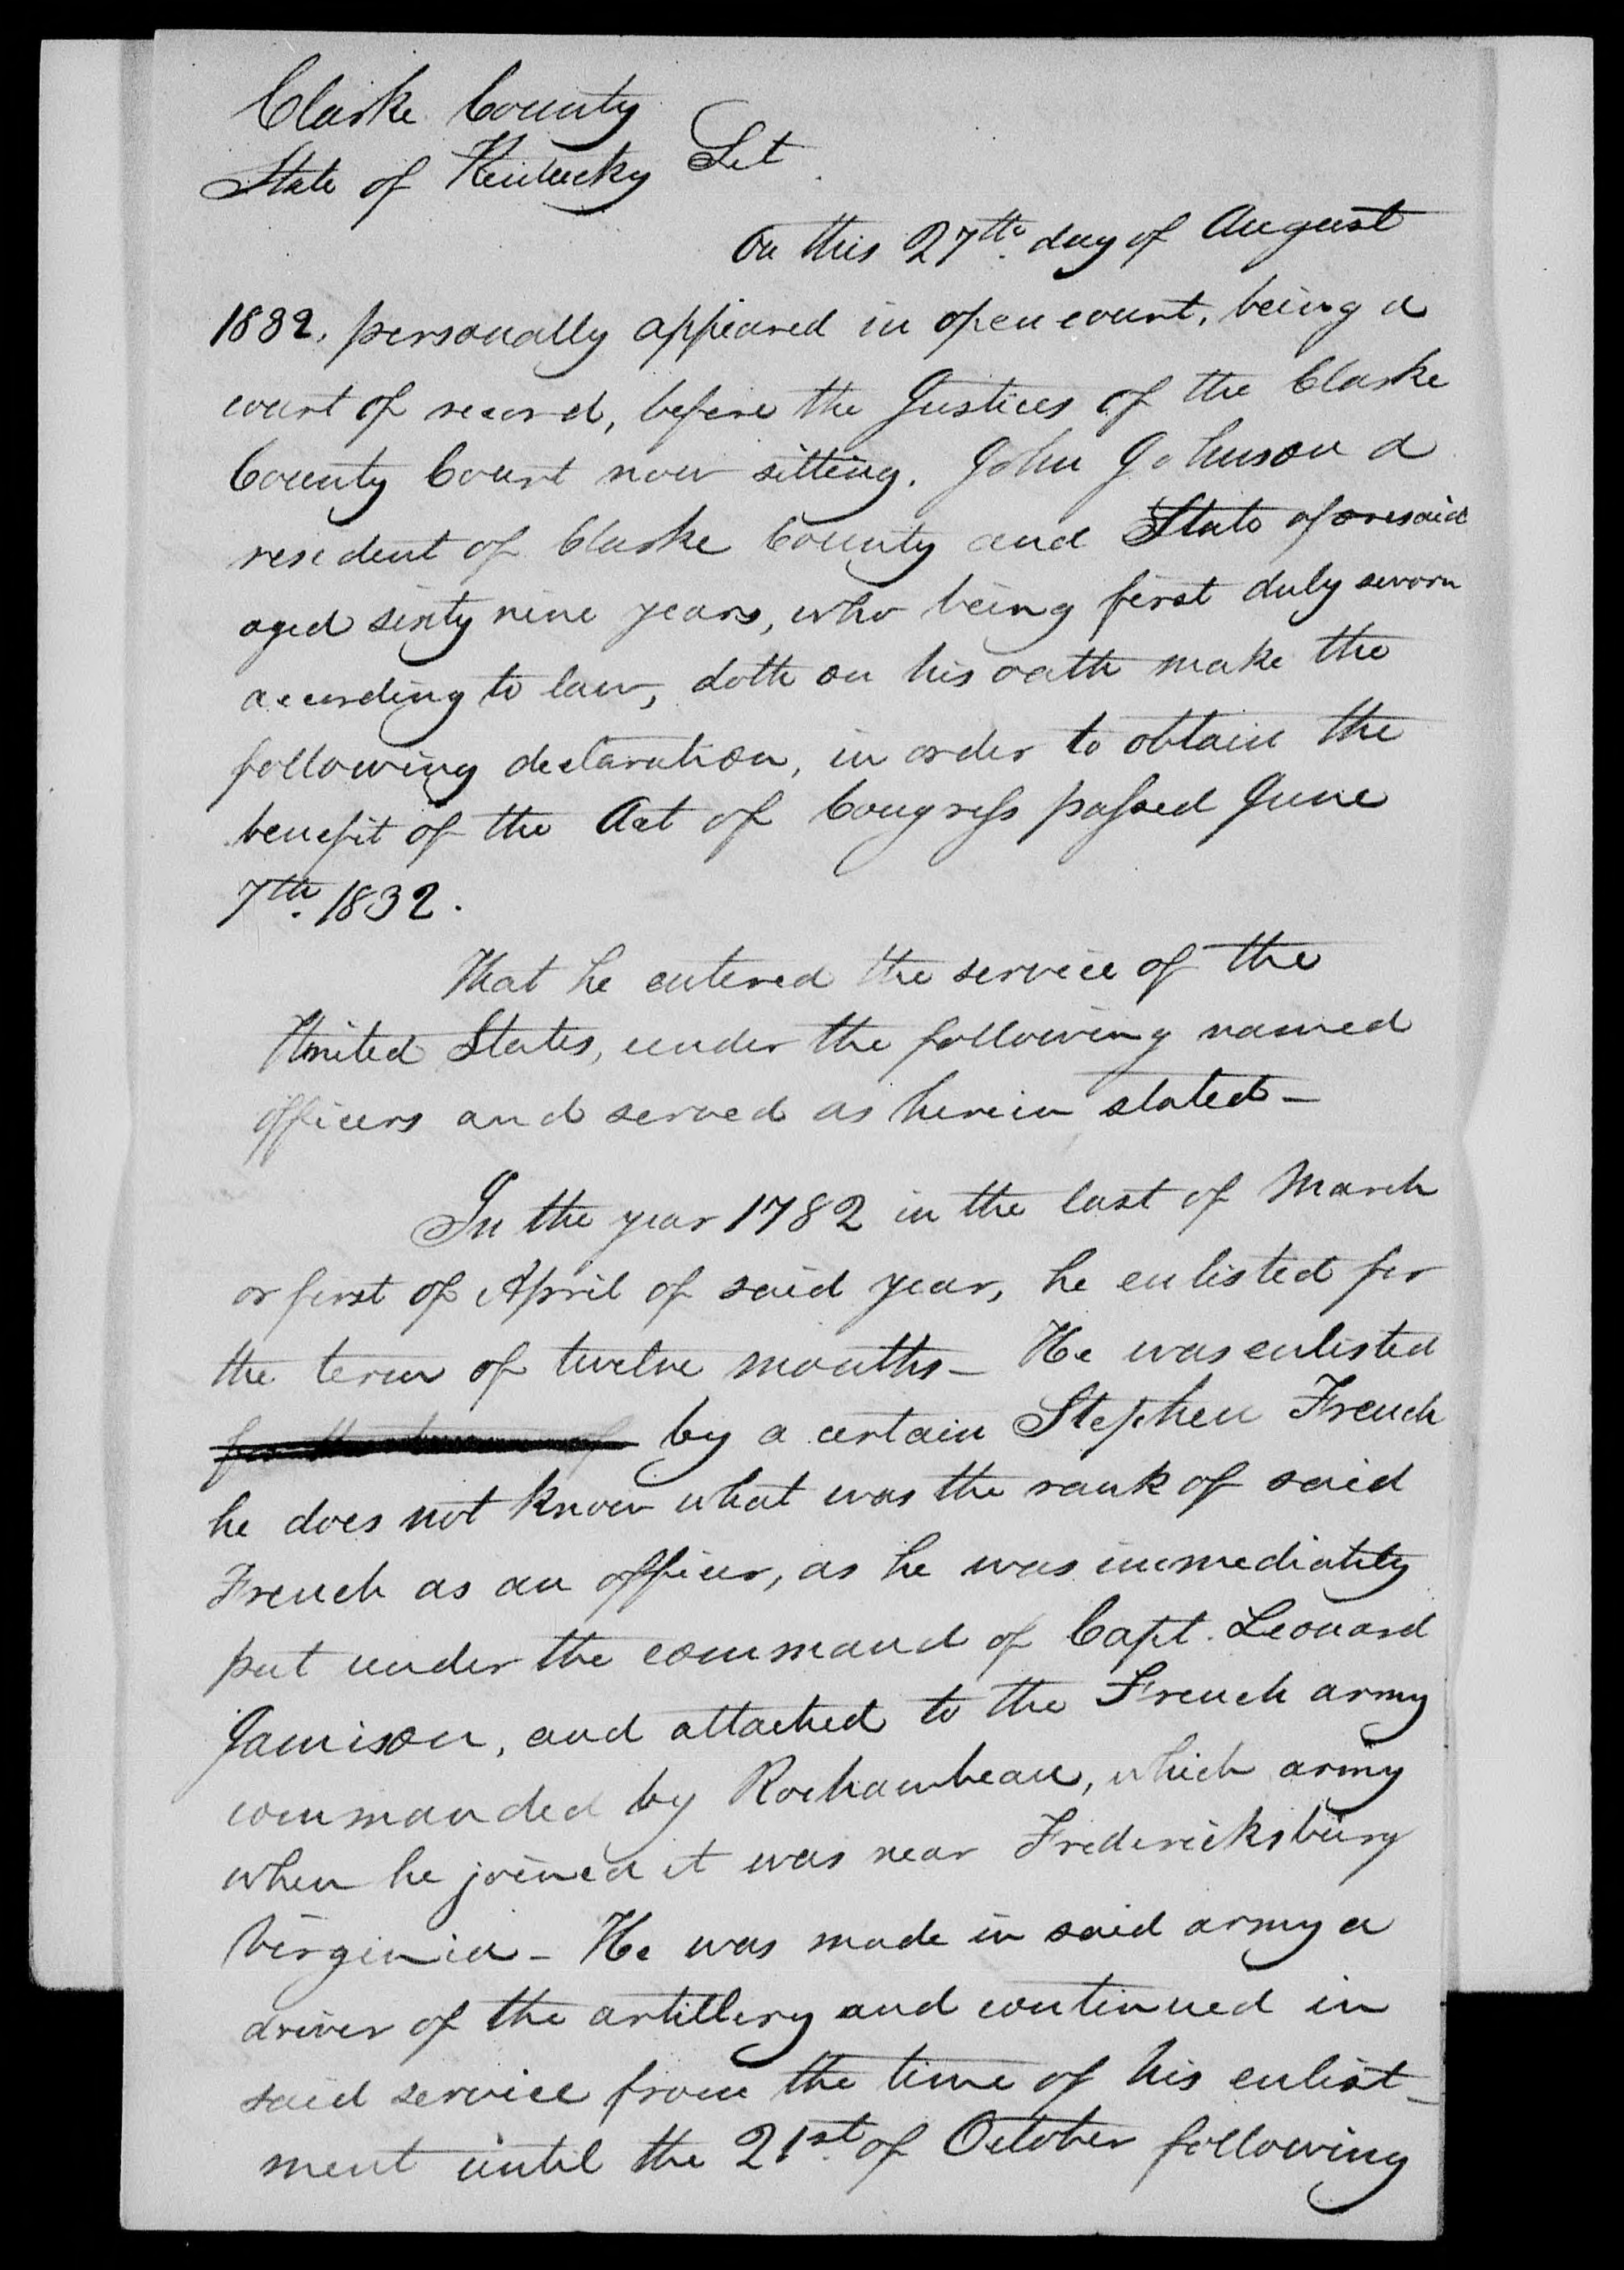Clarke County
State of Kentucky Let.

On this 27th day of August 1882, personally appeared in open court, being an event of record, before the Justices of the Clarke County court now sitting. John Johnson a resident of Clarke County and State aforesaid aged sixty nine years, who being first duly sworn according to law, doth on his oath make the following declaration, in order to obtain the benefit of the Act of Congress passed June 7th 1832.

That he entered the service of the United States, under the following named officers and served as herein stated.

In the year 1782 in the last of March or first of April of said year, he enlisted for the term of twelve months. He was enlisted by a certain Stephen French he does not know what was the rank of said French as an officer, as he was immediately put under the command of Capt. Leonard Jamison, and attached to the French army commanded by Rochambeau, which army when he joined it was near Fredericksburg Virginia. He was made in said army a driver of the artillery and continued in said service from the time of his enlistment until the 21st of October following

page: 5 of 16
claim: rejected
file: R. 5634, for John Johnson, Virginia